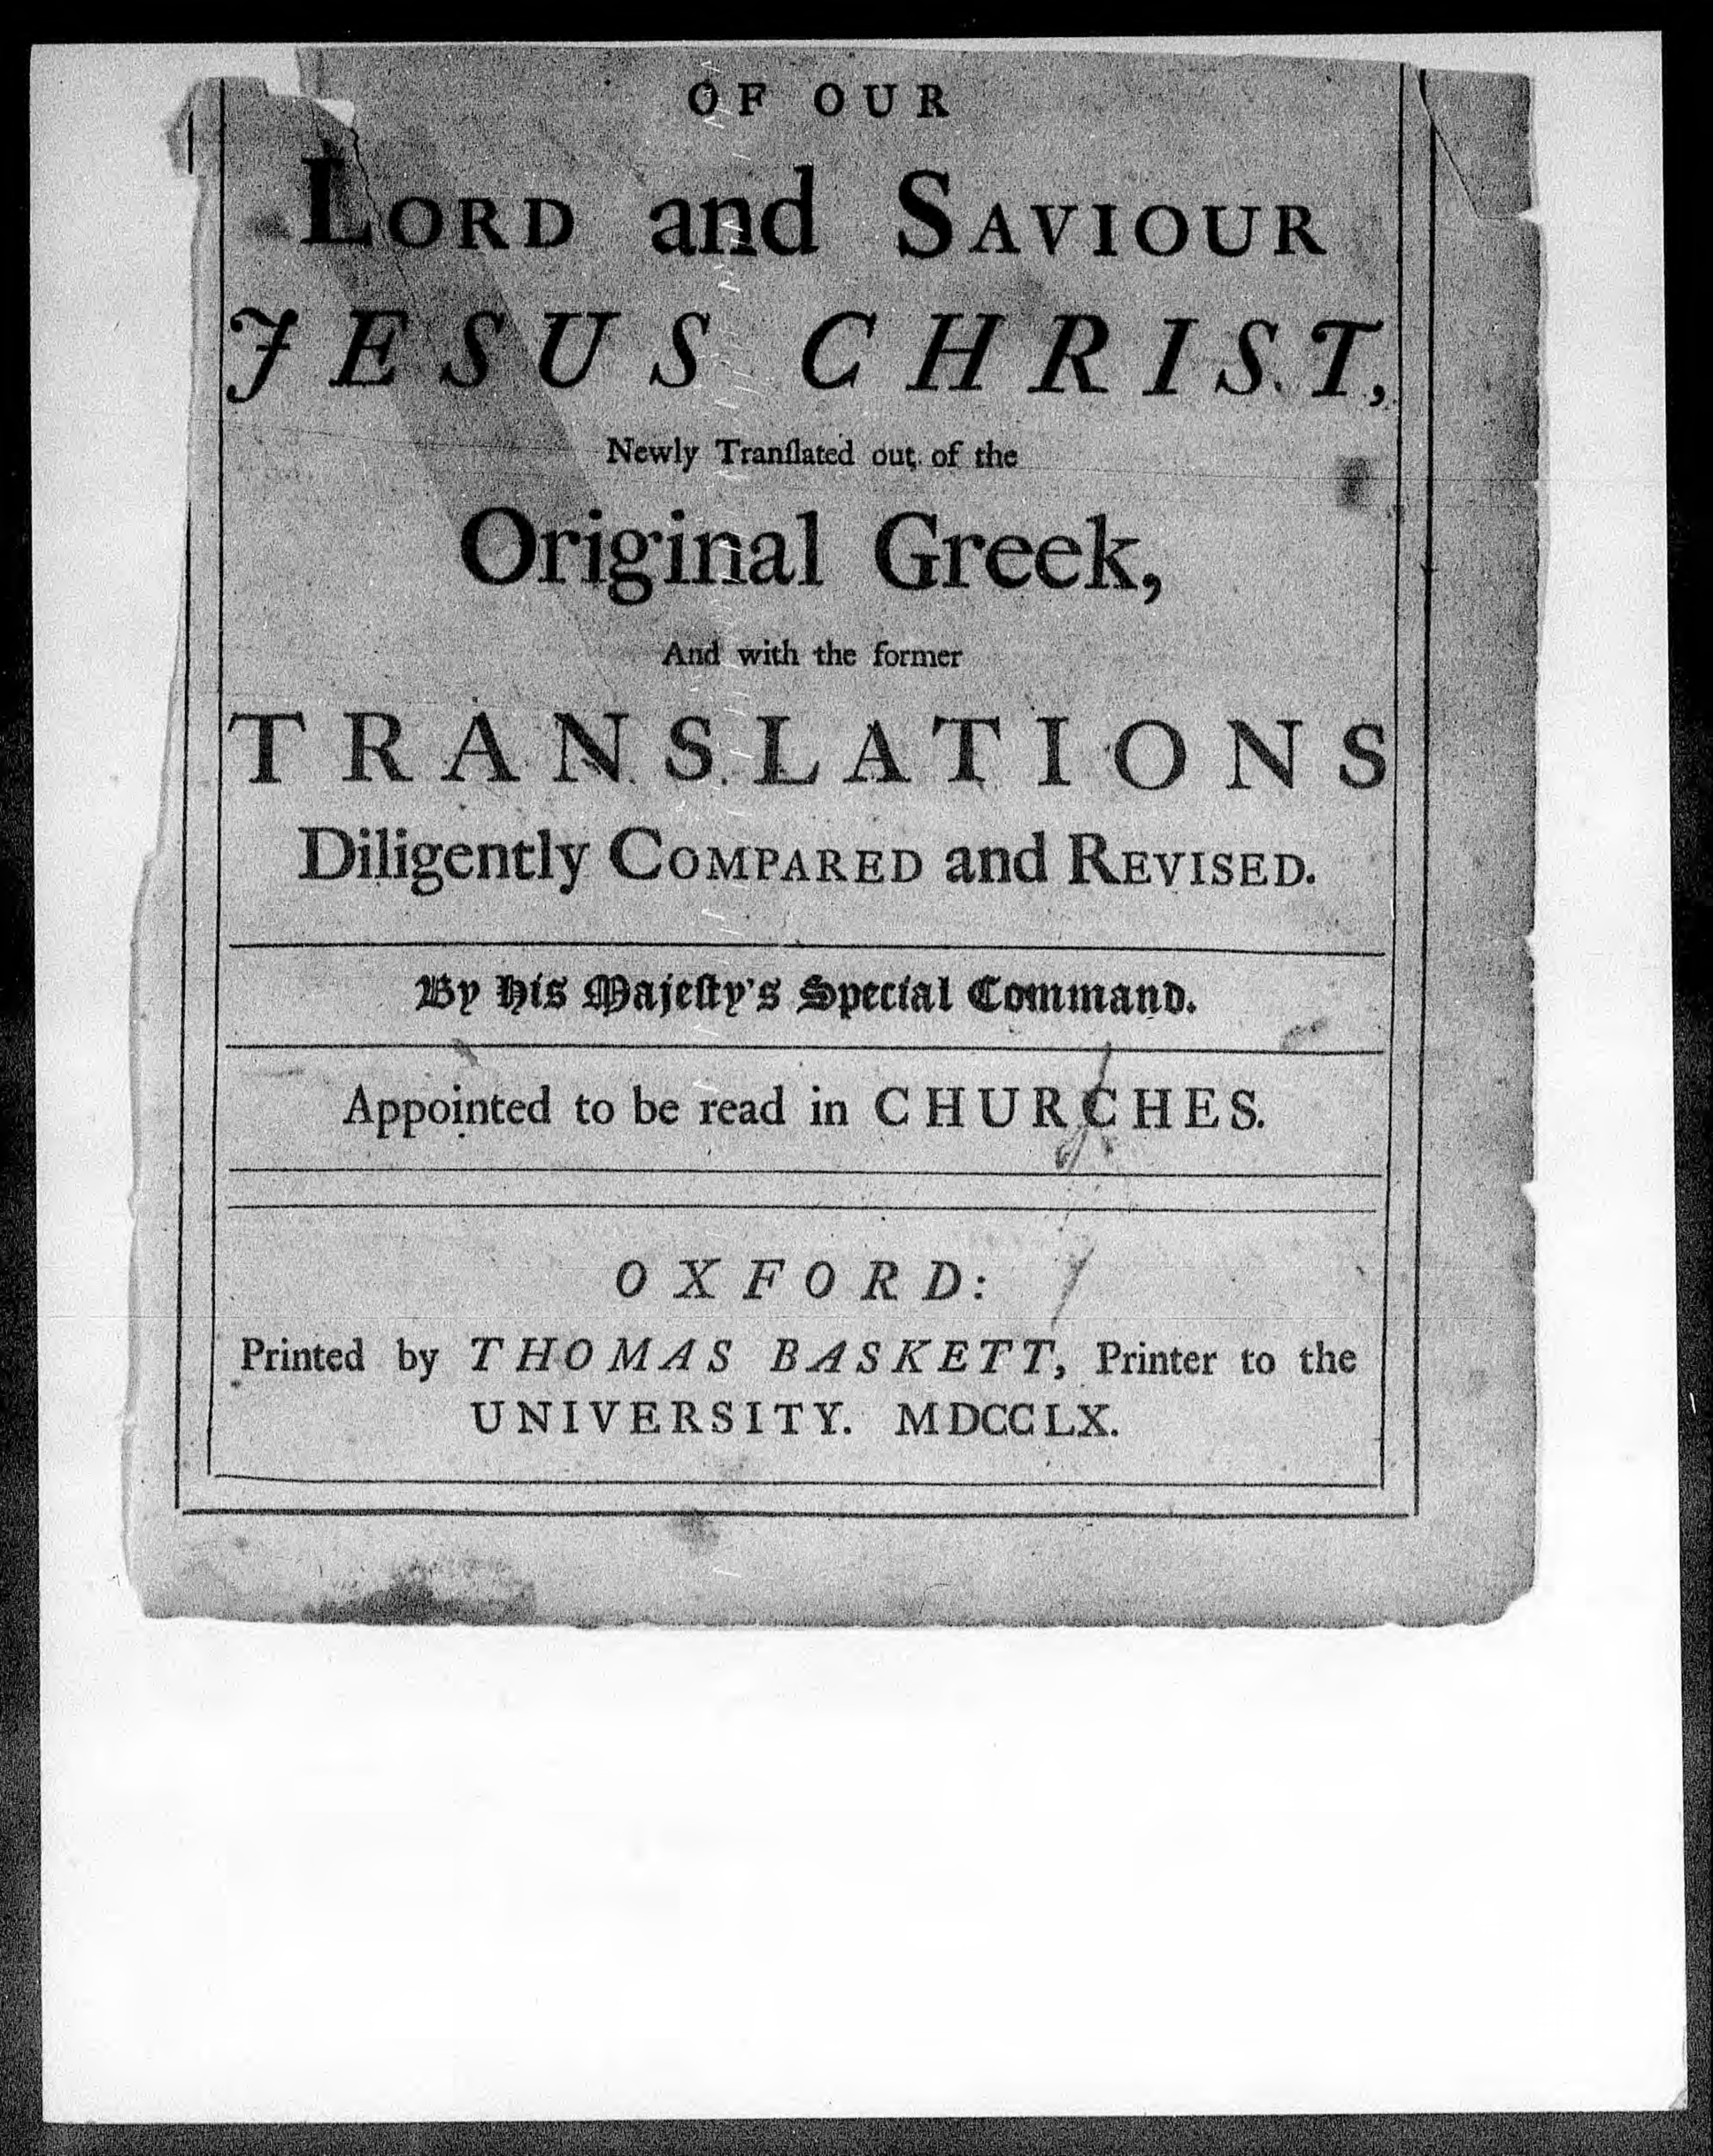OF OUR
LORD and SAVIOUR
JESUS CHRIST,
Newly Translated out of the
Original Greek, And with the former
TRANSLATIONS
Diligently COMPARED and REVISED.
By His Majesty's Special Command.
Appointed to be read in CHURCHES.
OXFORD: Printed by THOMAS BASKETT, Printer to the
UNIVERSITY. MDCCLX.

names: Thomas Baskett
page: 17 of 60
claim: widow's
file: W. 19,537, Thomas Griffin, Conn.